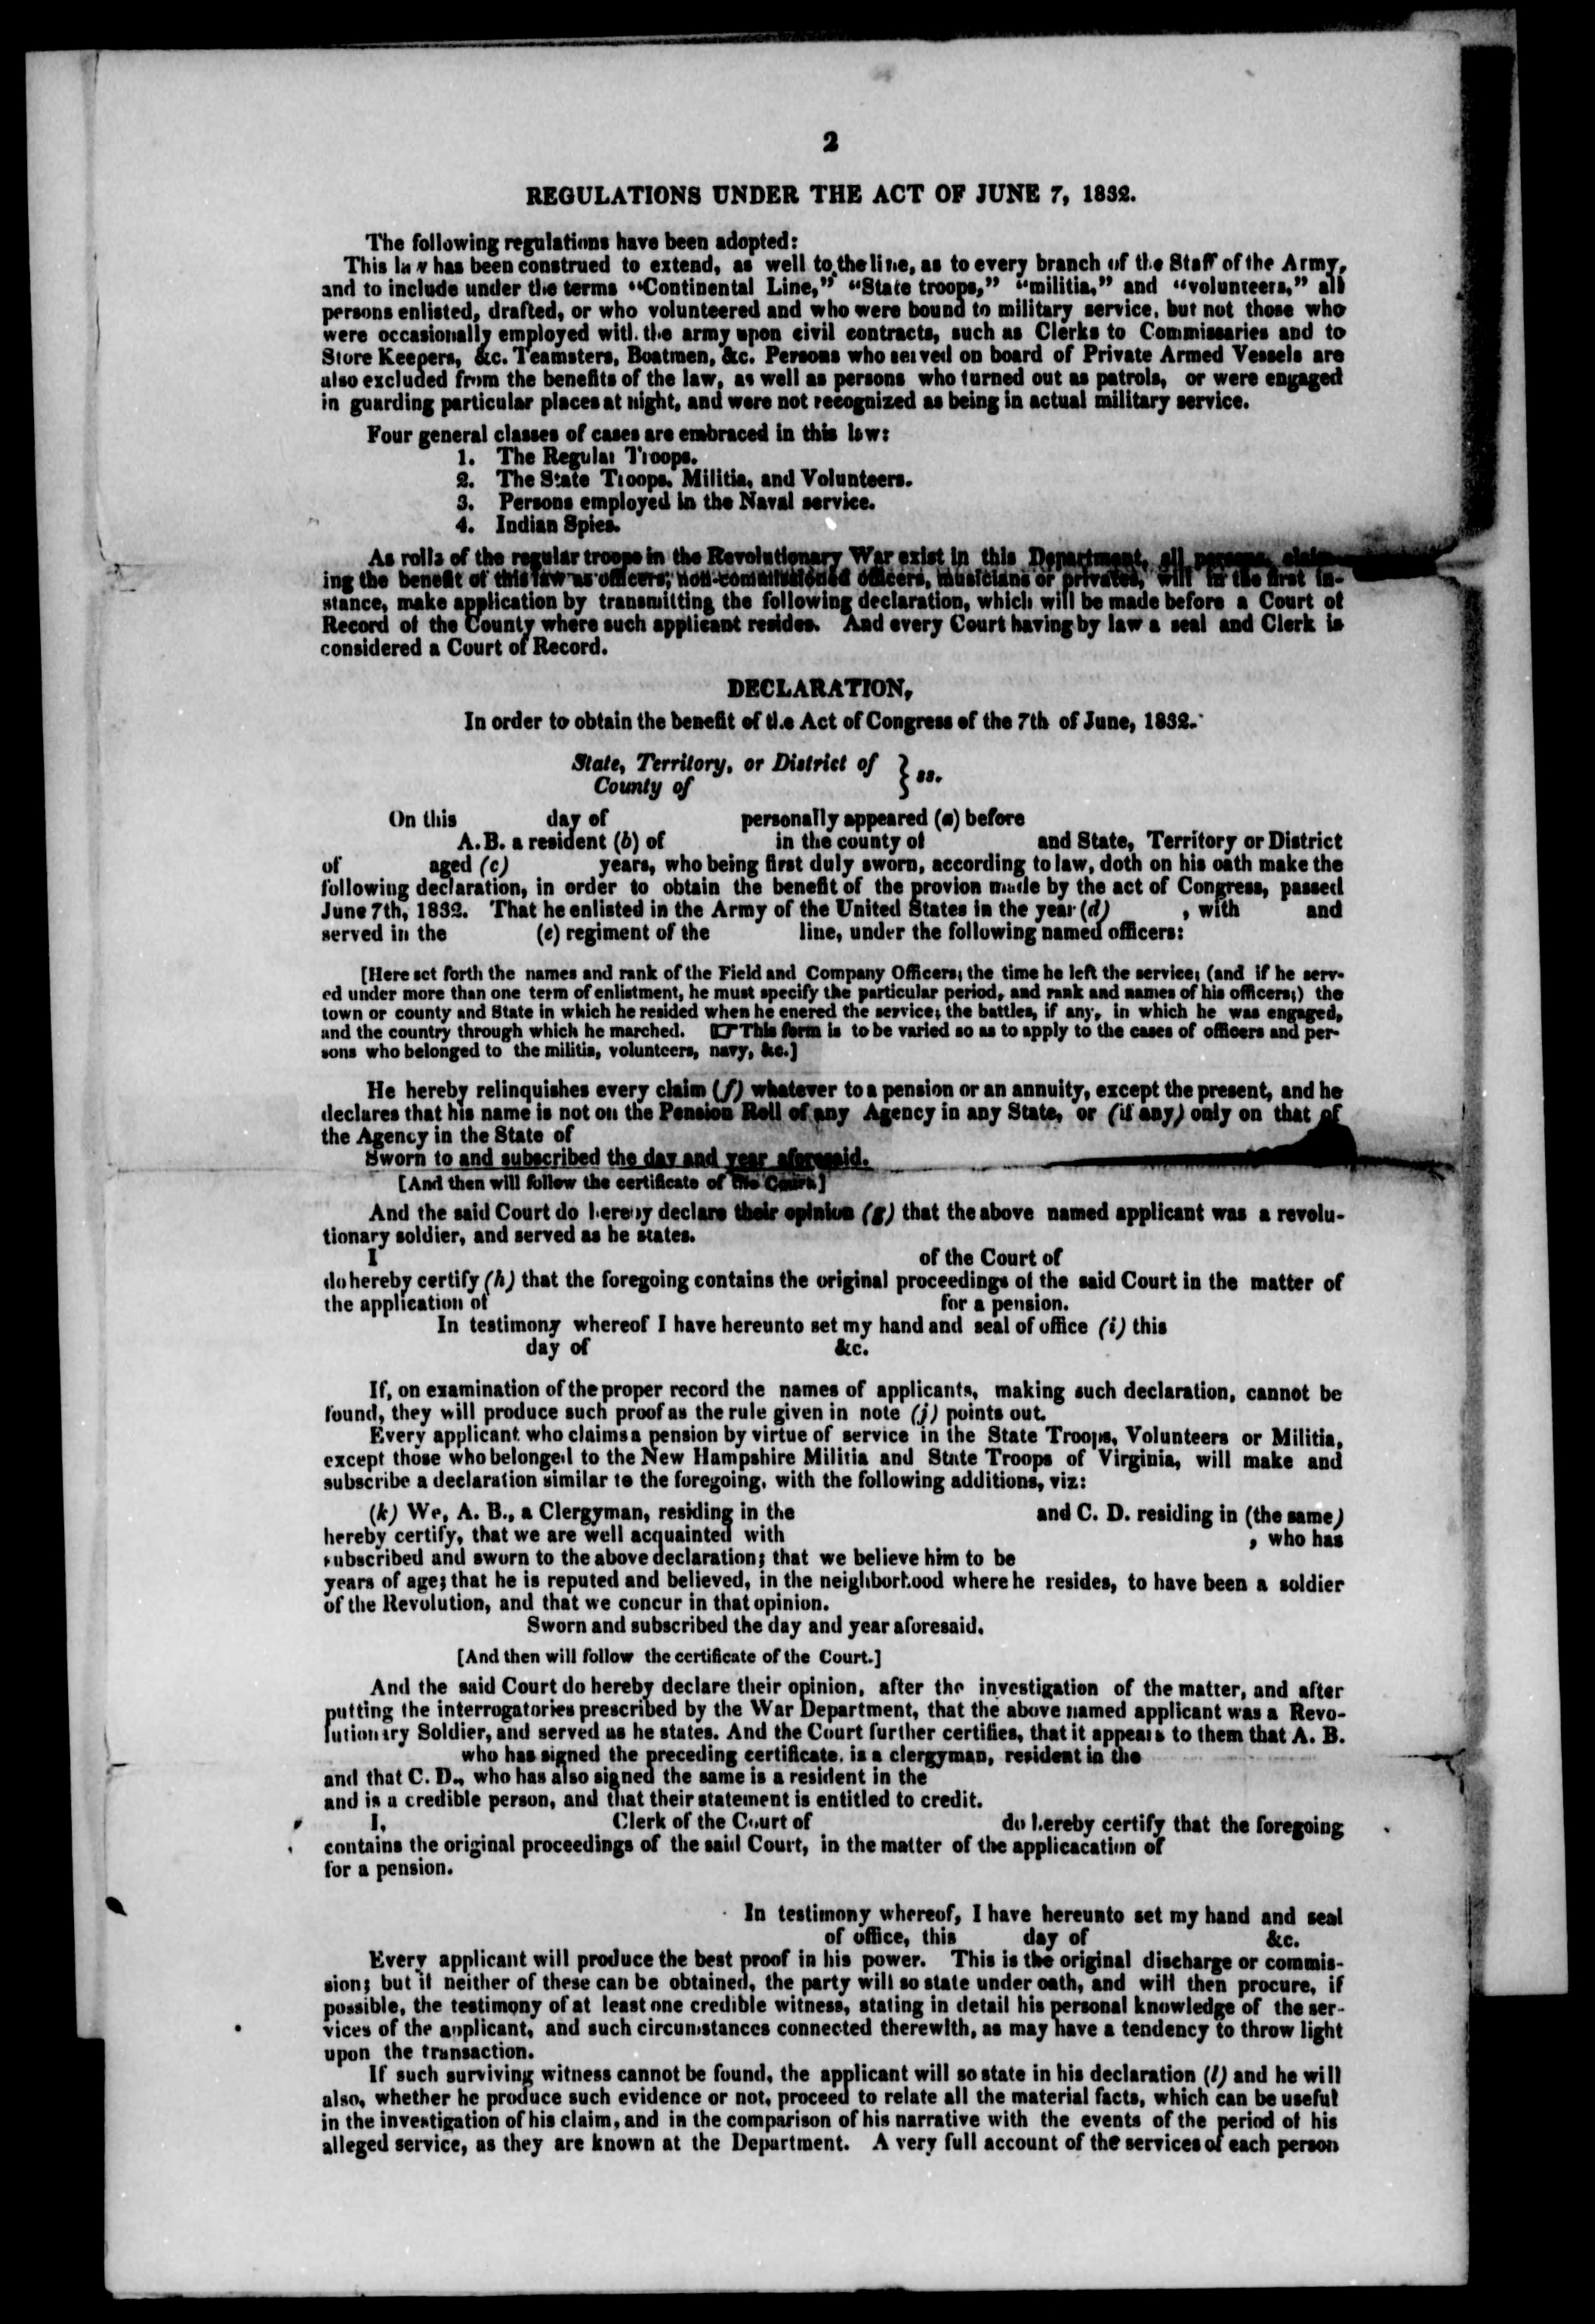DECLARATION, In order to obtain the benefit of the Act of Congress of the 7th of June, 1832. State, Territory, or District of County of }ss.
On this day of personally appeared (a) before A.B. a resident (b) of    in the county of    and State, Territory or District of     aged (c) years, who being first duly sworn according to law, doth on his oath make the following declaration in order to obtain the benefit of the provion made by the act of Congress, passed June 7, 1832. That he enlisted in the Army of the United States in the year (d) , with  and served in the (e) regiment of the    line, under the following named officers: [Here set forth the names and rank of the Field and Company Officers, the time he left the service, (and if he served under more than one term of enlistment, he must specify the particular period, and rank and names of his officers;) the town or county and State in which he resided when he entered the service; the battles, if any, in which he was engaged, and the country through which he marched.  This form is to be varied so as to apply to the cases of officers and persons who belonged to the militia, volunteers, navy, etc] He hereby relinquishes every claim (f) whatever to  pension or an annuity, except the present, and he declares that his name is not on the Pension Roll of any Agency in any State, or (if any) only on that of the Agency in the State of 
Sworn to and subscribed the day and year aforesaid.
[And then will follow the certificate of the [[illegible]]
And the said Court do hereby declare their opinion (g) that the above named applicant was a revolutionary soldier, and served as he states. I do hereby certify (h) that the foregoing contains the original proceedings of the Court of the said Court in the matter of the application of    for a pension. In testimony whereof I have hereunto set my hand and seal of the office (i) this     day of   &c. If, on examination of the proper record the names of applicants, making such declaration, cannot be found, they will produce such proof as the rule given  in note (j) points out. Every applicant who claims a pension by virtue of service in the State Troops, Volunteers or Militia, except those who belonged to the New Hampshire Militia and State Troops of Virginia, will make and subscribe a declaration similar to the foregoing, with the following additions, viz:
() We, A. B. a Clergyman, residing in the     and C.D. residing in (the same) hereby certify, that we are well acquainted with    , who has subscribed and sworn to the above declaration; that we believe him to be    years of age; that he is reputed and believed, in the neighborhood where he resides, to have been a soldier of the Revolution, and that we concur in that opinion. Sworn and subscribed the day and year aforesaid.[And then will follow the certificate of the Court.]
And the said Court do hereby declare their opinion, after the investigation of the matter, and after putting the interrogatories presrcibed by the War Department, that the above named applicant was a Revolutionary Soldier, and served as he states. And the Court further certifies, hat it appears to them that A.B.  who has signed the preceding certificate, is a clergyman, resident in the   and that C.D who has also signed the same is a resident in the    and is a credible person, and that their statement is entitled to credit.  I,   Clerk of the Court of    do hereby certify that the foregoing contains the original proceedings of the said Court, in the matter of the application of   for a pension.
In testimony hereof, I have hereunto set m hand and seal of office, this day of   &c. Every applicant will produce the best proof of his power. This is the original discharge or commission; but if neither of these an be obtained, the party will so state under oath, and will then procure, if possible, the testimony of at least one credible witness, stating in detail his personal knowledge of the services of the applicant, and such circumstances connected therewith, as may have a tendency to throw light upon the transaction. If such surviving witness cannot be found, the applicant will so state in his declaration (l) and he will also, whether he produce such evidence or not, proceed to relate all the material facts, which can be useful in the investigation of his claim, and in the comparison of his narrative with the events of the period of his alleged service, as they are known at the Department. A very full account of the services of each person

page: 13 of 35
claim: rejected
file: R. 9601, for John Simson, New Jersey